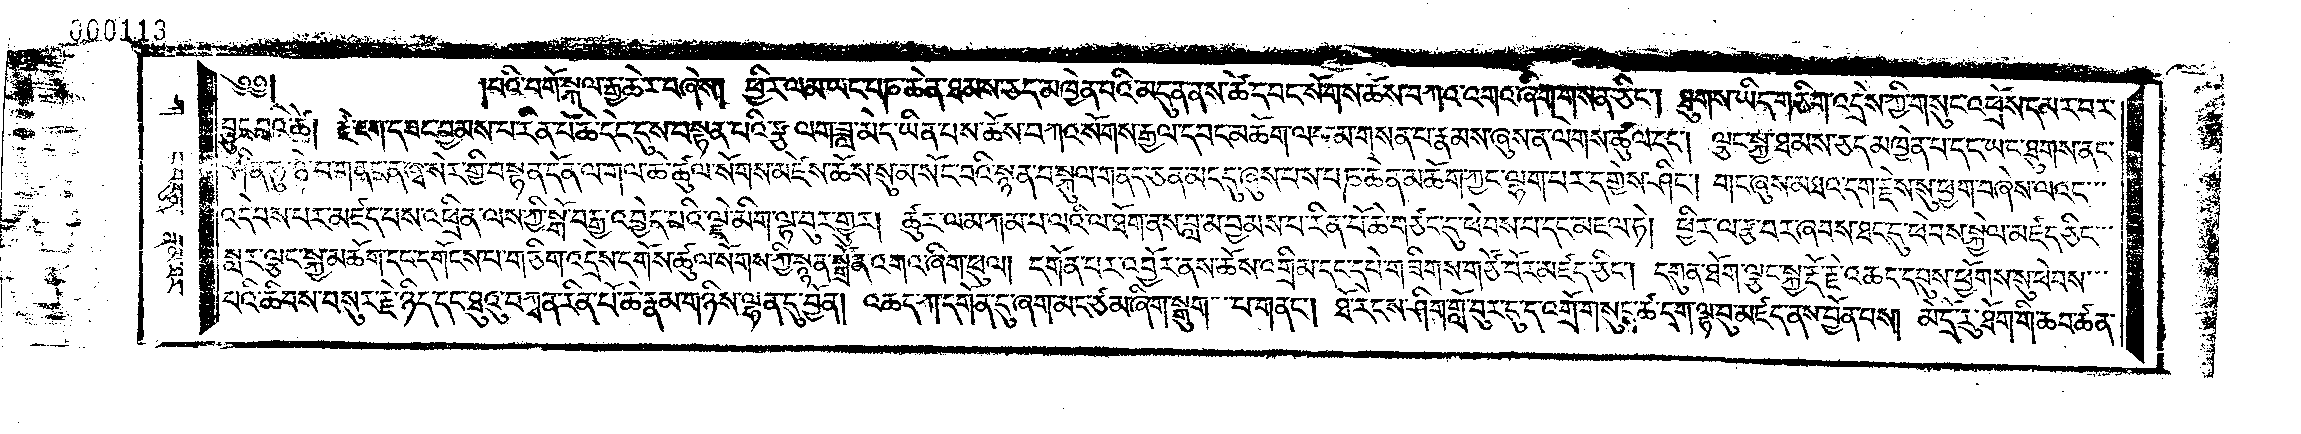༄༅། །པའི་བགོ་སྐལ་རྒྱ་ཆེར་བཞེས། ཕྱིར་ལམ་ཡང་པཎ་ཆེན་ཐམས་ཅད་མཁྱེན་པའི་མདུན་ནས་ཚེ་དབང་སོགས་ཆོས་བཀའ་འགའ་ཞིག་གསན་ཅིང་། ཐུགས་ཡིད་གཅིག་འདྲེས་ཀྱི་གསུང་འཕྲོས་དམར་བར་
བྱུང་བའི་ཚེ། རྗེ་ངག་དབང་བྱམས་པ་རིན་པོ་ཆེ་དེང་དུས་བསྟན་པའི་རྩ་ལག་ཟླ་མེད་ཡིན་པས་ཆོས་བཀའ་སོགས་རྒྱལ་དབང་མཆོག་ལས་མ་གསན་པ་རྣམས་ཞུས་ན་ལེགས་ཚུལ་དང་། ལྕང་སྐྱ་ཐམས་ཅད་མཁྱེན་པ་དང་ཡང་ཐུགས་ནང་
ཤིན་ཏུ་ཉེ་བ་གནང་ན་ཞྭ་སེར་གྱི་བསྟན་དོན་ལ་གལ་ཆེ་ཚུལ་སོགས་མཛེས་ཆོས་སུ་མ་སོང་བའི་སྙན་བསྐུལ་གནད་ཅན་མང་དུ་ཞུས་པས་པཎ་ཆེན་མཆོག་ཀྱང་ལྷག་པར་དགྱེས་ཤིང་། གང་ཞུས་མཐའ་དག་རྗེས་སུ་ཕྱག་བཞེས་ལའང་
འདེབས་པར་མཛད་པས་འཕྲིན་ལས་ཀྱི་སྒོ་བརྒྱ་འབྱེད་པའི་ལྡེ་མིག་ལྟ་བུར་གྱུར། ཚུར་ལམ་ཀམ་པ་ལའི་ལ་ཐོག་ནས་བླ་མ་བྱམས་པ་རིན་པོ་ཆེ་གཙང་དུ་ཕེབས་པ་དང་མཇལ་ཏེ། ཕྱིར་ལ་རྩ་བར་ཞབས་ཐང་དུ་ཕེབས་སྐྱེལ་མཛད་ཅིང་
སླར་ལྕང་སྐྱ་མཆོག་དང་དགོངས་པ་གཅིག་འདྲེས་དགོས་ཚུལ་སོགས་ཀྱི་སྙན་སྒྲོན་འགའ་ཞིག་ཕུལ། དགོན་པར་འབྱོར་ནས་ཆོས་འགྲིམ་དང་དཔེ་གཟིགས་གཙོ་བོར་མཛད་ཅིང་། དགུན་ཐོག་ལྕང་སྐྱ་རྡོ་རྗེ་འཆང་དབུས་ཕྱོགས་སུ་ཕེབས་
པའི་ཆིབས་བསུར་རྗེ་ཉིད་དང་ཐུའུ་བཀྭན་རིན་པོ་ཆེ་རྣམ་གཉིས་ལྷན་དུ་བྱོན། འཆད་ཀ་དགོན་དུ་ཞག་མང་ཙམ་ཞིག་སྦུག་པ་གནང་། ཐོ་རངས་ཤིག་གློ་བུར་དུ་ད་འགྲོ་གསུང་ཚ་དག་ལྟ་བུ་མཛད་ནས་བྱོན་པས། མེ་དྲོ་རུ་ཐོག་གི་ཆབ་ཚན་